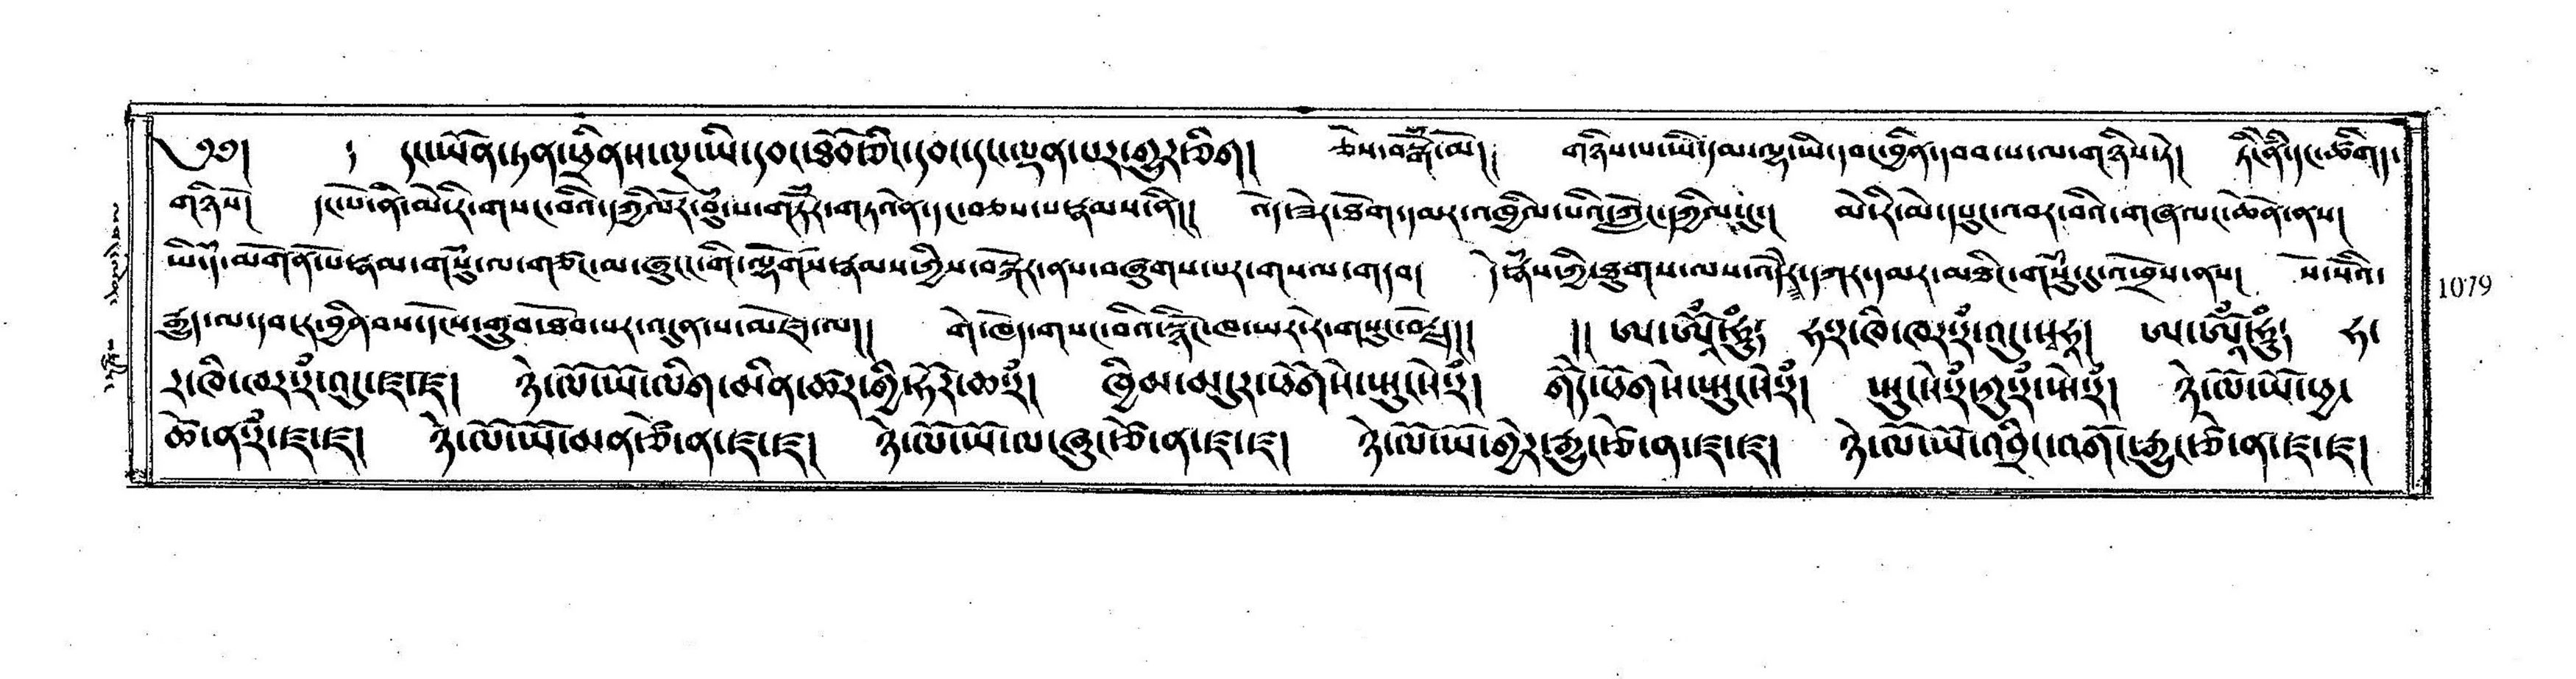དང་ཡོན་ཏན་ཕྲིན་ལས་ལྔ་ཡི་དབང་ཐོབ་ཅིང་དབང་དང་ལྡན་པར་གྱུར་ཅིག ཅེས་བསྒོམ་མོ།། གཉིས་པ་ཡི་དམ་ལྷ་ཡི་དབང་བྱིན་དབབ་པ་ལ་གཉིས་ཏེ། ཏིང་ངེ་འཛིན་དང་ཚིག་བཤད་
གཉིས་སོ། དང་པོ་ནི་མེ་རི་གསང་བའི་དཀྱིལ་འཁོར་བུམ་པ་གཏོར་མ་གཏའ་ཆེན་དང་བཅས་པ་རྣམས་ནི།། འོད་ཟེར་ཐོག་དམར་འཁྱིལ་པའི་ཀློང་དཀྱིལ་དུ། མེ་རི་མེ་དཔུང་འབར་བའི་གཞལ་ཡས་ཁང་ཆེན་པོ་ནས། 
ཡི་དམ་མགོན་པོ་རྣམ་གསུམ་ལ་གཙང་མ་ཞང་ཞུང་གི་ལྷ་ཚོགས་རྣམས་ཀྱིས་བསྐོར་ནས་བཞུགས་པར་གསལ་གདབ། དེ་རྣམས་ཀྱི་ཐུགས་ལས་འོད་ཟེར་དཀར་དམར་མཐིང་གསུམ་དུ་འཕྲོས་ནས། སོ་སོའི་
རྒྱུད་ལ་དབང་བསྐུར་བྱིན་རླབས་དངོས་གྲུབ་ཐོབ་པར་འདུན་པ་མཛོད་ལ།། གེ་ཁོད་གསང་བའི་སྙིང་པོ་ཁ་ཡར་རེ་གསུང་བརྗོད།། །།ཨ་ཨཱོཾ་ཧཱུྃ། ཧ་ར་ཁི་ཁར་རཾ་འདུ་སྭཧཱ། ཨ་ཨཱོཾ་ཧཱུྃ། ཧ་
ར་ཁི་ཁར་རཾ་འདུ་ཛ་ཛ། ཉེ་ལོ་ཡོ་ལིག་མིན་ཚར་གྱི་ཧོར་ཆ་རཾ། ཁྱིམ་མདུར་ཕོགསེ་སྤུངསེ་རཾ། གེ་ཁོད་ཕོགསེ་སྤུངསེ་རཾ། སྤུངསེ་རཾ་ཀུ་རཾ་སྤེ་རཾ། ཉེ་ལོ་ཡོ་ཕྱ་
ཚེ་ན་རཾ་ཛ་ཛ། ཉེ་ལོ་ཡོ་མན་ཙེ་ན་ཛ་ཛ། ཉེ་ལོ་ཡོ་ལ་ཞུང་ཙེ་ན་ཛ་ཛ། ཉེ་ལོ་ཡོ་གྱེར་རྒྱུང་ཙེ་ན་ཛ་ཛ། ཉེ་ལོ་ཡོ་འབྲིང་འགོང་རྒྱུང་ཙེ་ན་ཛ་ཛ།